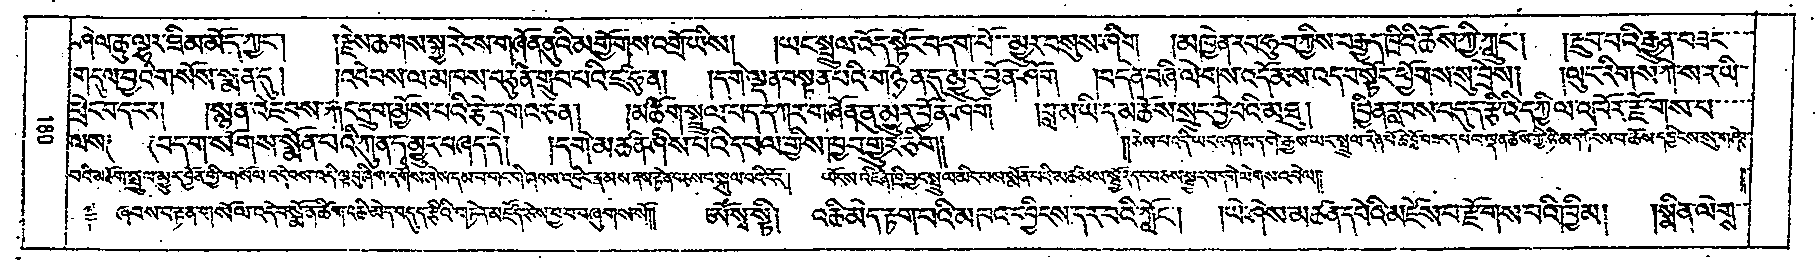ཤེལ་ཆུ་ལྷར་ཐིམ་མོད་ཀྱང་། །རྗེས་ཆགས་སྐྱ་རེངས་གཞོན་ནུའི་མགྱོགས་འགྲོ་ཡིས། །ཡང་སྤྲུལ་འོད་སྟོང་བདག་པོ་མྱུར་བསུས་ཤིག །མཁྱེན་རབ་ཧུབ་ཀྱིས་བརྒྱད་ཁྲིའི་ཆོས་ཀྱི་ཀླུང་། །རྔུབ་པའི་རྒྱུན་བཟང་
གདུལ་བྱའི་གསོས་སྨན་དུ། །འབེབས་ལ་མཁས་བཙུན་གྲུབ་པའི་ཛ་ཧུ་ན། །དགེ་ལྡན་བསྟན་པའི་གཉེན་དུ་མྱུར་བྱོན་ཤོག །བདེན་བཞི་ལེགས་འདོམས་འདབ་སྟོང་ཕྱོགས་སུ་བྲེས། །ལུང་རིགས་ཀེ་ས་ར་ཡི་
ཕྲེང་བ་དངར། །སྙན་འཇེབས་རྐང་དྲུག་མྱོས་པའི་རྩེ་དགའ་ཅན། །མཆོག་སྤྲུལ་པད་དཀར་གཞོན་ནུ་མྱུར་བྱོན་ཤོག །བླ་མ་ཡི་དམ་ཆོས་སྲུང་བྱེ་བའི་མཐུ། །བྱིན་རླབས་བདུད་རྩིའི་དཀྱིལ་འཁོར་རྫོགས་པ་
ལས༑ ༑བདག་སོགས་སྨོན་པའི་ཀུན་དཱ་མྱུར་བཞད་དེ། །དགེ་མཚན་ཤིས་པའི་དཔལ་གྱིས་ཁྱབ་གྱུར་ཅིག ། །།ཅེས་པ་འདི་ཡང་འདན་མ་དགེ་རྒྱས་ཡང་སྤྲུལ་རིན་པོ་ཆེ་བློ་བཟང་དཔལ་ལྡན་ཆོས་ཀྱི་ཉི་མ་དགོངས་པ་ཆོས་དབྱིངས་སུ་གཤེགས་
པའི་མཆོག་སྤྲུལ་མྱུར་བྱོན་གྱི་གསོལ་འདེབས་འདི་ལྟ་བུ་ཞིག་དགོས་ཞེས་དམ་པ་གང་གི་ཞབས་འབྲིང་རྣམས་ནས་རྟེན་བཅས་བསྐུལ་བའི་ངོར། ཡོངས་འཛིན་ཁྲི་བྱང་སྤྲུལ་མིང་པས་སྨོན་པའི་མཚམས་སྦྱོར་དང་བཅས་སྦྱར་བ་དགེ་ལེགས་འཕེལ།། །།
༈ ཞབས་བརྟན་གསོལ་འདེབ་སྨོན་ཚིག་འཆི་མེད་བདུད་རྩིའི་གཏེར་མཛོད་ཅེས་བྱ་བ་བཞུགས་སོ།། །ཨོཾ་སྭ་སྟི། འཆི་མེད་རྟག་པའི་མཁའ་དབྱིངས་དར་བའི་ཀློང་། །ཡེ་ཤེས་མཚན་དཔེའི་མཛེས་པ་རྫོགས་པའི་ཁྱིམ། །སྨིན་ལེགས་